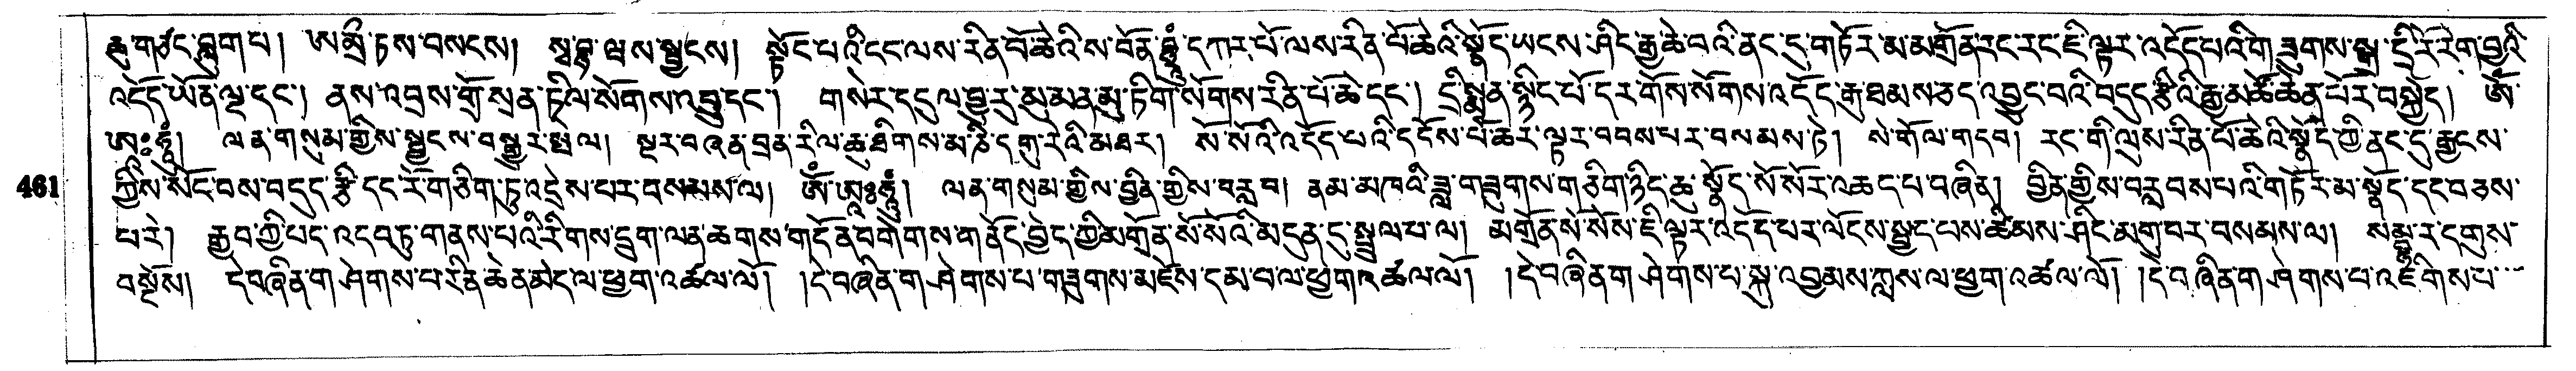ཆུ་གཙང་བླུག་པ། ཨམྲྀ་ཏས་བསངས། སྭ་བྷ་ཝས་སྦྱངས། སྟོང་པའི་ངང་ལས་རིན་པོ་ཆེའི་ས་བོན་བྷཱུཾ་དཀར་པོ་ལས་རིན་པོ་ཆེའི་སྣོད་ཡངས་ཤིང་རྒྱ་ཆེ་བའི་ནང་དུ་གཏོར་མ་མགྲོན་རང་རང་ཇི་ལྟར་འདོད་པའི་གཟུགས་སྒྲ་དྲི་རོ་རེག་བྱའི་
འདོད་ཡོན་ལྔ་དང་། ནས་འབྲས་གྲོ་སྲན་ཏི་ལ་སོགས་འབྲུ་དང་། གསེར་དངུལ་བྱུ་རུ་མུ་མན་མུ་ཏིག་སོགས་རིན་པོ་ཆེ་དང་། དྲི་སྨན་སྙིང་པོ་དར་གོས་སོགས་འདོད་རྒུ་ཐམས་ཅད་འབྱུང་བའི་བདུད་རྩིའི་རྒྱ་མཚོ་ཆེན་པོར་བསྐྱེད། ཨོཾ་
ཨཱཿ ཧཱུཾ། ལན་གསུམ་གྱིས་སྦྱངས་བསྒྱུར་སྤེལ། སྔར་བཞན་བྲན་རིལ་ཆུ་ཐིགས་མ་ཎི་དགུ་རེའི་མཐར། སོ་སོའི་འདོད་པའི་དངོས་པོ་ཆར་ལྟར་བབས་པར་བསམས་ཏེ། སེ་གོལ་གདབ། རང་གི་ལུས་རིན་པོ་ཆེའི་སྣོད་ཀྱི་ནང་དུ་རྒྱངས་
ཀྱིས་སོང་བས་བདུད་རྩི་དང་རོ་གཅིག་ཏུ་འདྲེས་པར་བསམས་ལ། ཨོཾ་ཨཱཿ ཧཱུཾ། ལན་གསུམ་གྱིས་བྱིན་གྱིས་བརླབ། ནམ་མཁའི་ཟླ་གཟུགས་གཅིག་ཉིད་ཆུ་སྣོད་སོ་སོར་འཆད་པ་བཞིན། བྱིན་གྱིས་བརླབས་པའི་གཏོར་མ་སྣོད་དང་བཅས་
པ་རེ། རྒྱབ་ཀྱི་པད་འདབ་ཏུ་གནས་པའི་རིགས་དྲུག་ལན་ཆགས་གདོན་བགེགས་གནོད་བྱེད་ཀྱི་མགྲོན་སོ་སོའི་མདུན་དུ་སྤྲུལ་པ་ལ། མགྲོན་སོ་སོས་ཇི་ལྟར་འདོད་པར་ལོངས་སྤྱད་པས་ཚིམས་ཤིང་མགུ་བར་བསམས་ལ། སམྦྷ་ར་དགུས་
བསྔོས། དེ་བཞིན་གཤེགས་པ་རིན་ཆེན་མེད་ལ་ཕྱག་འཚལ་ལོ། །དེ་བཞིན་གཤེགས་པ་གཟུགས་མཛེས་དམ་པ་ལ་ཕྱག་འཚལ་ལོ། །དེ་བཞིན་གཤེགས་པ་སྐུ་འབྱམས་ཀླས་ལ་ཕྱག་འཚལ་ལོ། །དེ་བཞིན་གཤེགས་པ་འཇིགས་པ་